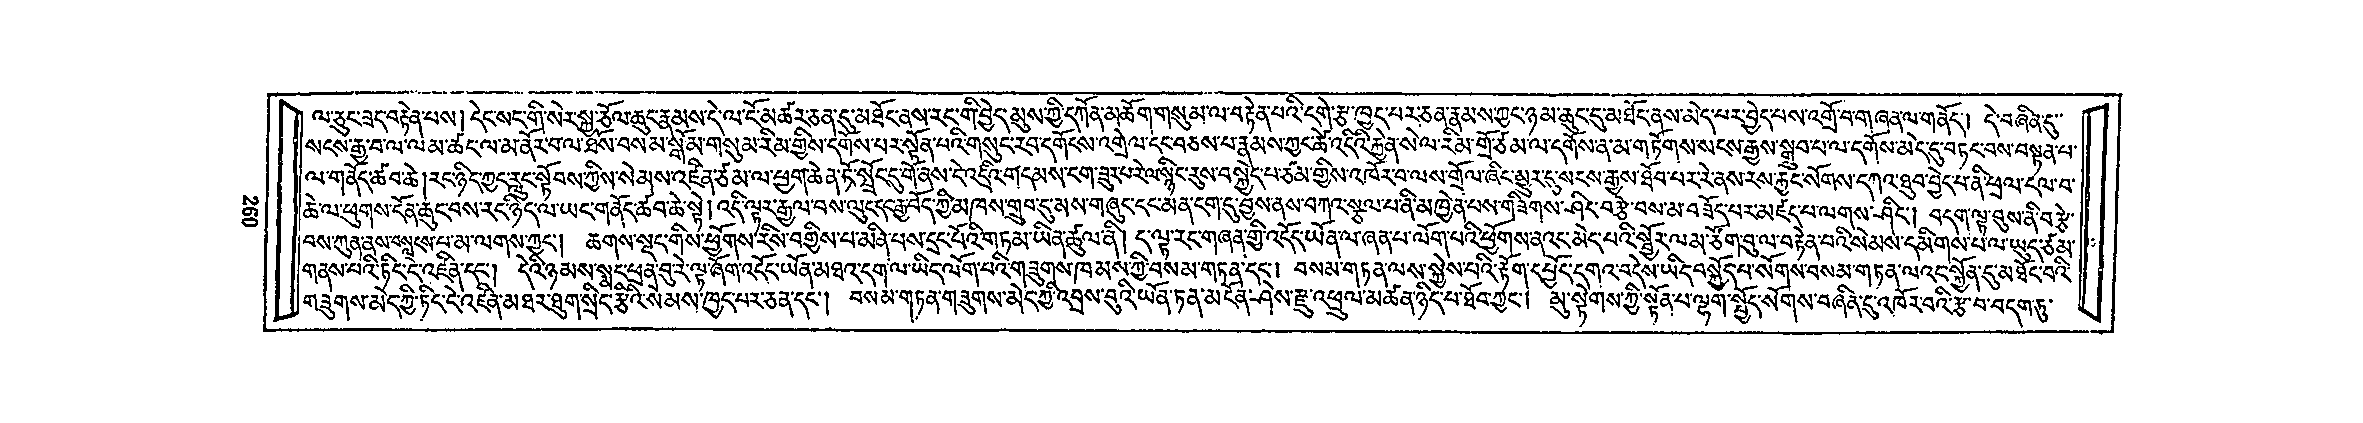ལ་ཅུང་ཟད་བརྟེན་པས། དེང་སང་གི་སེར་སྐྱ་ཅོལ་ཆུང་རྣམས་དེ་ལ་ངོ་མཚར་ཅན་དུ་མཐོང་ནས་རང་གི་བྱེད་མུས་ཀྱི་དཀོན་མཆོག་གསུམ་ལ་བརྟེན་པའི་དགེ་རྩ་ཁྱད་པར་ཅན་རྣམས་ཀྱང་ཉམ་ཆུང་དུ་མཐོང་ནས་མེད་པར་བྱེད་པས་འགྲོ་བ་གཞན་ལ་གནོད། དེ་བཞིན་དུ་
སངས་རྒྱ་བ་ལ་ལམ་ཚང་ལ་མ་ནོར་བ་ལ་ཐོས་བསམ་སྒོམ་གསུམ་རིམ་གྱིས་དགོས་པར་སྟོན་པའི་གསུང་རབ་དགོངས་འགྲེལ་དང་བཅས་པ་རྣམས་ཀྱང་ཚེ་འདིའི་རྐྱེན་སེལ་རིམ་གྲོ་ཙམ་ལ་དགོས་ན་མ་གཏོགས་སངས་རྒྱས་སྒྲུབ་པ་ལ་དགོས་མེད་དུ་བཏང་བས་བསྟན་པ་
ལ་གནོད་ཚབ་ཆེ། རང་ཉིད་ཀྱང་རླུང་སྟོབས་ཀྱིས་སེམས་འཛིན་ཙམ་ལ་ཕྱག་ཆེན་ཏོ་སྤྲོད་དུ་གོ་ནས་དེ་འདྲའི་གདམས་ངག་ཟུར་པ་རེ་ལ་སྙིང་རུས་བསྐྱེད་པ་ཙམ་གྱིས་འཁོར་བ་ལས་གྲོལ་ཞིང་མྱུར་དུ་སངས་རྒྱས་ཐོབ་པར་རེ་ནས་རས་རྐྱང་སོགས་དཀའ་ཐུབ་བྱེད་པ་ནི་ཕྲལ་དལ་བ་
ཆེ་ལ་ཕུགས་དོན་ཆུང་བས་རང་ཉིད་ལ་ཡང་གནོད་ཚབ་ཆེ་སྟེ། འདི་ལྟར་རྒྱལ་བས་ལུང་དང་རྒྱ་བོད་ཀྱི་མཁས་གྲུབ་དུ་མས་གཞུང་དང་མན་ངག་དུ་བྱས་ནས་བཀའ་སྩལ་པ་ནི་མཁྱེན་པས་གཟིགས་ཤིང་བརྩེ་བས་མ་བཟོད་པར་མཛད་པ་ལགས་ཤིང་། བདག་ལྟ་བུས་ནི་བརྩེ་
བས་ཀུན་ནས་བསླངས་པ་མ་ལགས་ཀྱང་། ཆགས་སྡང་གིས་ཕྱོགས་རིས་བགྱིས་པ་མིན་པས་དྲང་པོའི་གཏམ་ཡིན་ཚུལ་ནི། ད་ལྟ་རང་གཞན་གྱི་འདོད་ཡོན་ལ་ཞན་པ་ལོག་པའི་ཕྱོགས་ནའང་མེད་པའི་སྦྱོར་ལམ་ཙོག་བུ་ལ་བརྟེན་པའི་སེམས་དམིགས་པ་ལ་ཡུད་ཙམ་
གནས་པའི་ཏིང་ངེ་འཛིན་དང་། དེའི་ཉམས་སྨད་ཕྲན་བུ་རེ་ལྟ་ཞོག་འདོད་ཡོན་མཐའ་དག་ལ་ཡིད་ལོག་པའི་གཟུགས་ཁམས་ཀྱི་བསམ་གཏན་དང་། བསམ་གཏན་ལས་སྐྱེས་པའི་རྟོག་དཔྱོད་དགའ་བདེས་ཡིད་བསྐྱོད་པ་སོགས་བསམ་གཏན་ལའང་སྐྱོན་དུ་མཐོང་བའི་
གཟུགས་མེད་ཀྱི་ཏིང་ངེ་འཛིན་མཐར་ཐུག་སྲིད་རྩིའི་སེམས་ཁྱད་པར་ཅན་དང་། བསམ་གཏན་གཟུགས་མེད་ཀྱི་འབྲས་བུའི་ཡོན་ཏན་མངོན་ཤེས་རྫུ་འཕྲུལ་མཚན་ཉིད་པ་ཐོབ་ཀྱང་། མུ་སྟེགས་ཀྱི་སྟོན་པ་ལྷག་སྤྱོད་སོགས་བཞིན་དུ་འཁོར་བའི་རྩ་བ་བདག་ཏུ་